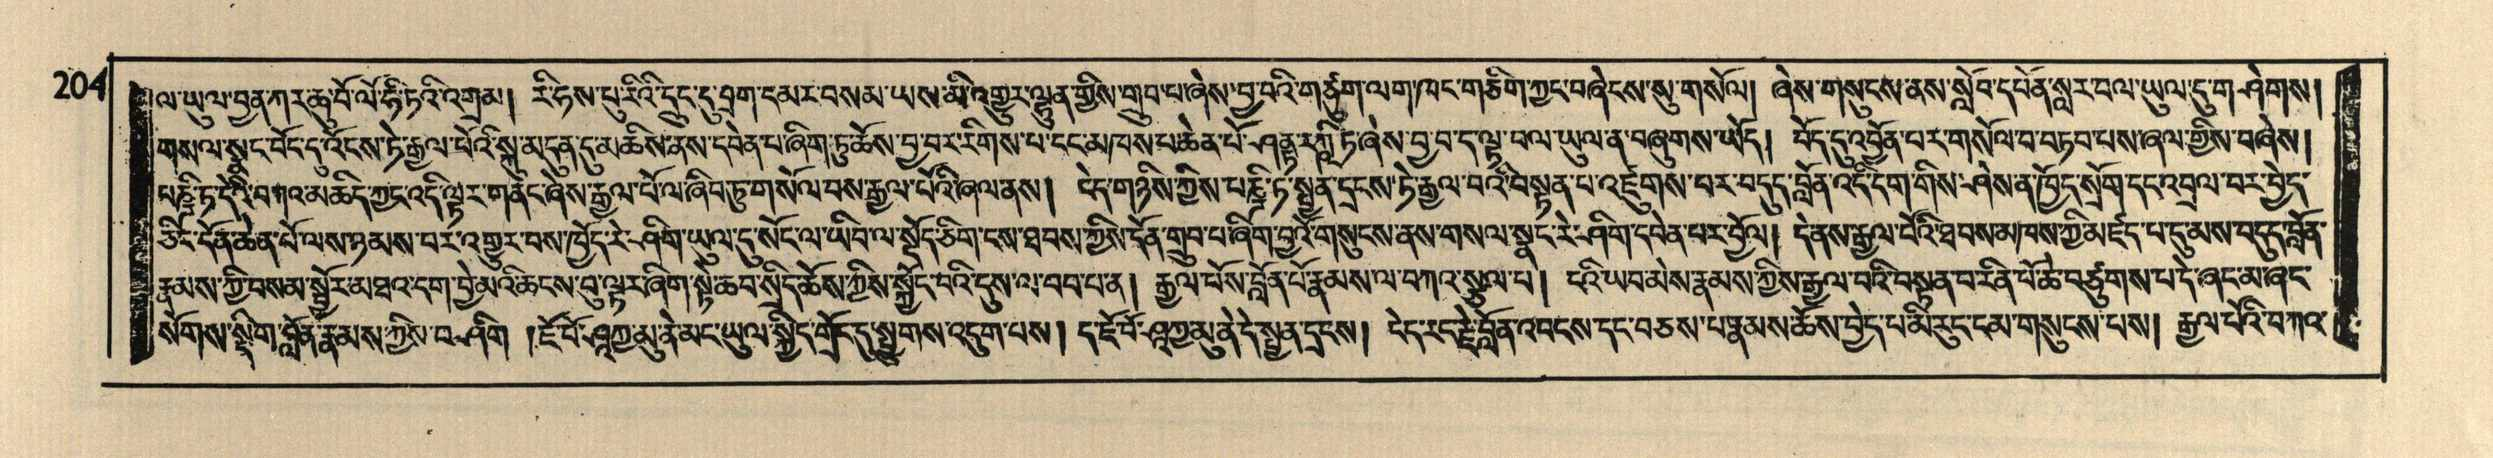ལ་ཡུལ་བྱན་ཀར་ཆུ་བོ་ལོ་ཧི་ཏའི་འགྲམ། རི་ཧས་པུ་རིའི་དྲུང་དུ་བྲག་དམར་བསམ་ཡས་མི་འགྱུར་ལྷུན་གྱིས་གྲུབ་པ་ཞེས་བྱ་བའི་གཙུག་ལག་ཁང་གཅིག་ཀྱང་བཞེངས་སུ་གསོལ། ཞེས་གསུངས་ནས་སློབ་དཔོན་སླར་བལ་ཡུལ་དུ་གཤེགས།
གསལ་སྣང་བོད་དུ་འོངས་ཏེ་རྒྱལ་པོའི་སྐུ་མདུན་དུ་མཆིས་ནས་དབེན་པ་ཞིག་ཏུ་ཆོས་བྱ་བར་རིགས་པ་དང་མཁས་པ་ཆེན་པོ་ཤནྟ་རཀྵི་ཏ་ཞེས་བྱ་བ་ད་ལྟ་བལ་ཡུལ་ན་བཞུགས་ཡོད། བོད་དུ་འབྱོན་པར་གསོལ་བ་བཏབ་པས་ཞལ་གྱིས་བཞེས།
པཎྜི་ཏ་དེའི་བཀའ་མཆིད་ཀྱང་འདི་ལྟར་གནང་ཞེས་རྒྱལ་པོ་ལ་ཞིབ་ཏུ་གསོལ་བས་རྒྱལ་པོའི་ཞལ་ནས། ངེད་གཉིས་ཀྱིས་པཎྜི་ཏ་སྤྱན་དྲངས་ཏེ་རྒྱལ་བའི་བསྟན་པ་འཛུགས་པར་བདུད་བློན་འདི་དག་གིས་ཤེས་ན་ཁྱོད་སྲོག་དང་འབྲལ་བར་བྱེད་
ཅིང་དོན་ཆེན་པོ་ལས་ཉམས་པར་འགྱུར་བས་ཁྱོད་རེ་ཤིག་ཡུལ་དུ་སོང་ལ་ཡིབ་ལ་སྡོད་ཅིག་ངས་པ་ཐབས་ཀྱིས་དོན་གྲུབ་པ་ཞིག་བྱའོ་གསུངས་ནས་གསལ་སྣང་རེ་ཤིག་དབེན་པར་བྱོལ། དེ་ནས་རྒྱལ་བོའི་ཐབས་མཁས་ཀྱི་མཛད་པ་དུ་མས་བདུད་བློན་
རྣམས་ཀྱི་བསམ་སྦྱོར་མཐའ་དག་བྱེ་མའི་ཆངས་བུ་ལྟར་ཞིག་སྟེ་ཆབ་སྲིད་ཆོས་ཀྱིས་སྐྱོང་བའི་དུས་ལ་བབ་པ་ན། རྒྱལ་པོས་བློན་པོ་རྣམས་ལ་བཀའ་སྩལ་པ། ངའི་ཡབ་མེས་རྣམས་ཀྱིས་རྒྱལ་བའི་བསྟན་པ་རིན་པོ་ཆེ་བཙུགས་པ་དེ་ཞང་མ་ཞང་
སོགས་སྡིག་བློན་རྣམས་ཀྱིས་བཤིག །ཇོ་བོ་ཤཱཀྱ་མུ་ནེ་མང་ཡུལ་སྐྱིད་གྲོང་དུ་སྤྱུགས་འདུག་པས། ད་ཇོ་བོ་ཤཱཀྱ་མུ་ནེ་དེ་སྤྱན་དྲངས། ངེད་རང་རྗེ་བློན་འབངས་དང་བཅས་པ་རྣམས་ཆོས་བྱེད་པ་མི་རུང་ངམ་གསུངས་པས། རྒྱལ་པོའི་བཀའ་